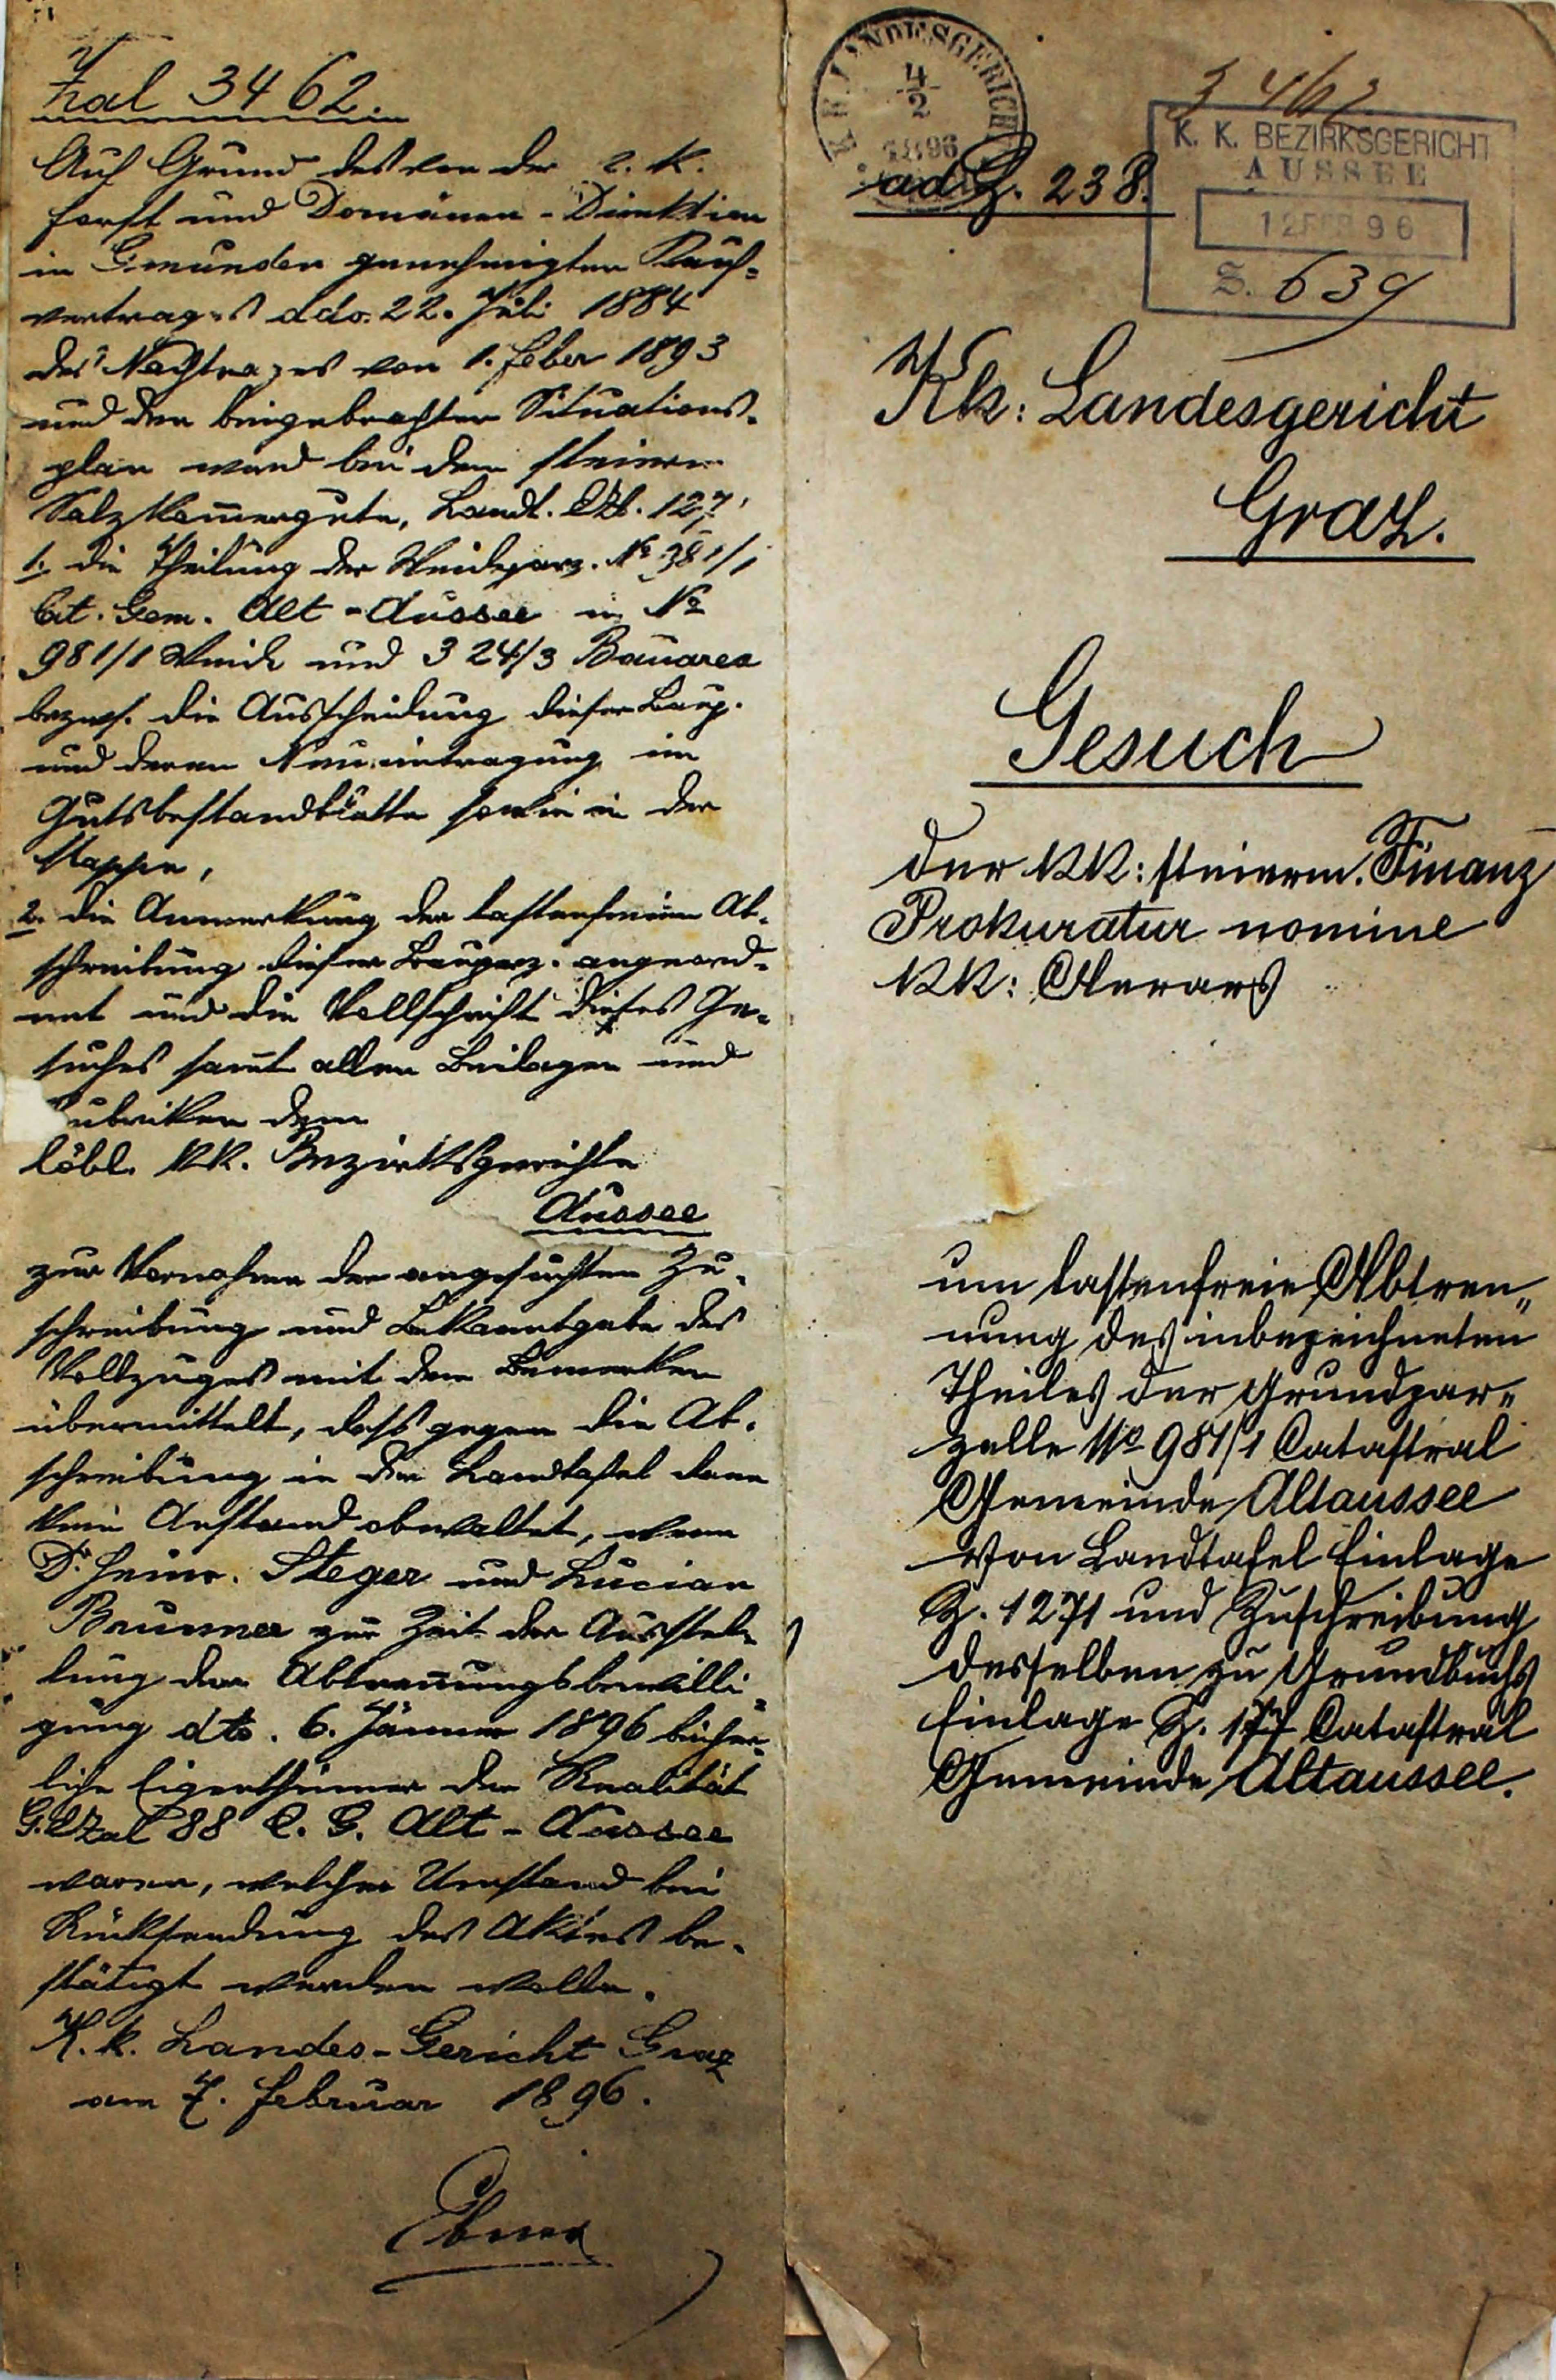3462
K. K. BEZIRKSGERICHT
AUSSEE
adig. 238.
12 FEB. 96
Z. 639
Zal 3462.
Auf Grund des von der k.k.
Forst und Domänen - Direktion
in Gmunden genehmigten Kauf=
vertrages ddo. 22. Juli 1884
des ? Nachtrages von 1. Feber 1893
und den beigebrechten Situations=
plan wand beiden steinen
Salzkammergute, Landl. Ub. 127
1. Die Theilung der Weidepars No 381/1
bit. Gem. Alt - Aussee in No
981/1 Weide und 324/3 Bauarea
bezech. Die Ausscheidung diesen Baup.
und deren Neueintragung im
Gutsbestandblatte sowie in der
Kappe,
2. Die Anmerkung der lastenfreien Ab=
schreibung diesen Bauparz. angeord=
net und die Vollschrift dieses Ge=
suches sammt allen Beilagen und
Rubriken dem
löbl. kk. Bezirksgerichte
Aussee
zur Vornahme den angesuchten Zu„
schreibung und Bekanntgabe des
Vollzuges mit dem Benennken
übermittelt, dass gegen die Ab„
schreibung in der Landtafel dann
kein Anstand obwaltet, denen
Dr. Heinr. Steger und Lucian
Brunner zur Zeit der Ausstel„
lung dem Abtrennungsbewilli=
gung dto. 6. Jänner 1896 buchen=
liche Eigenthumer den Realität
G.d Zal 88 C.G. Alt - Aussee
waren, welchen Umstand bei
Rückfandung des Aktes be=
stätigt werden wallen.
k.k. Landes - Gericht Graz
am 7. Februar 1896.
Ebned
Kk: Landesgericht
Graz.
Gesuch
der kk: steierm. Finanz
Prokuratur nomine
kk: Aerars
um lastenfreie Abtren„
nung des inbezeichneten
Theiles der Grundpar„
zelle No 981/1 Catastral
Gemeinde Altaussee
von Landtafel Einlage
Z. 1271 und Zuschreibung
desselben zu Grundbuchs
Einlage Z. 177 Catastral
Gemeinde Altaussee.